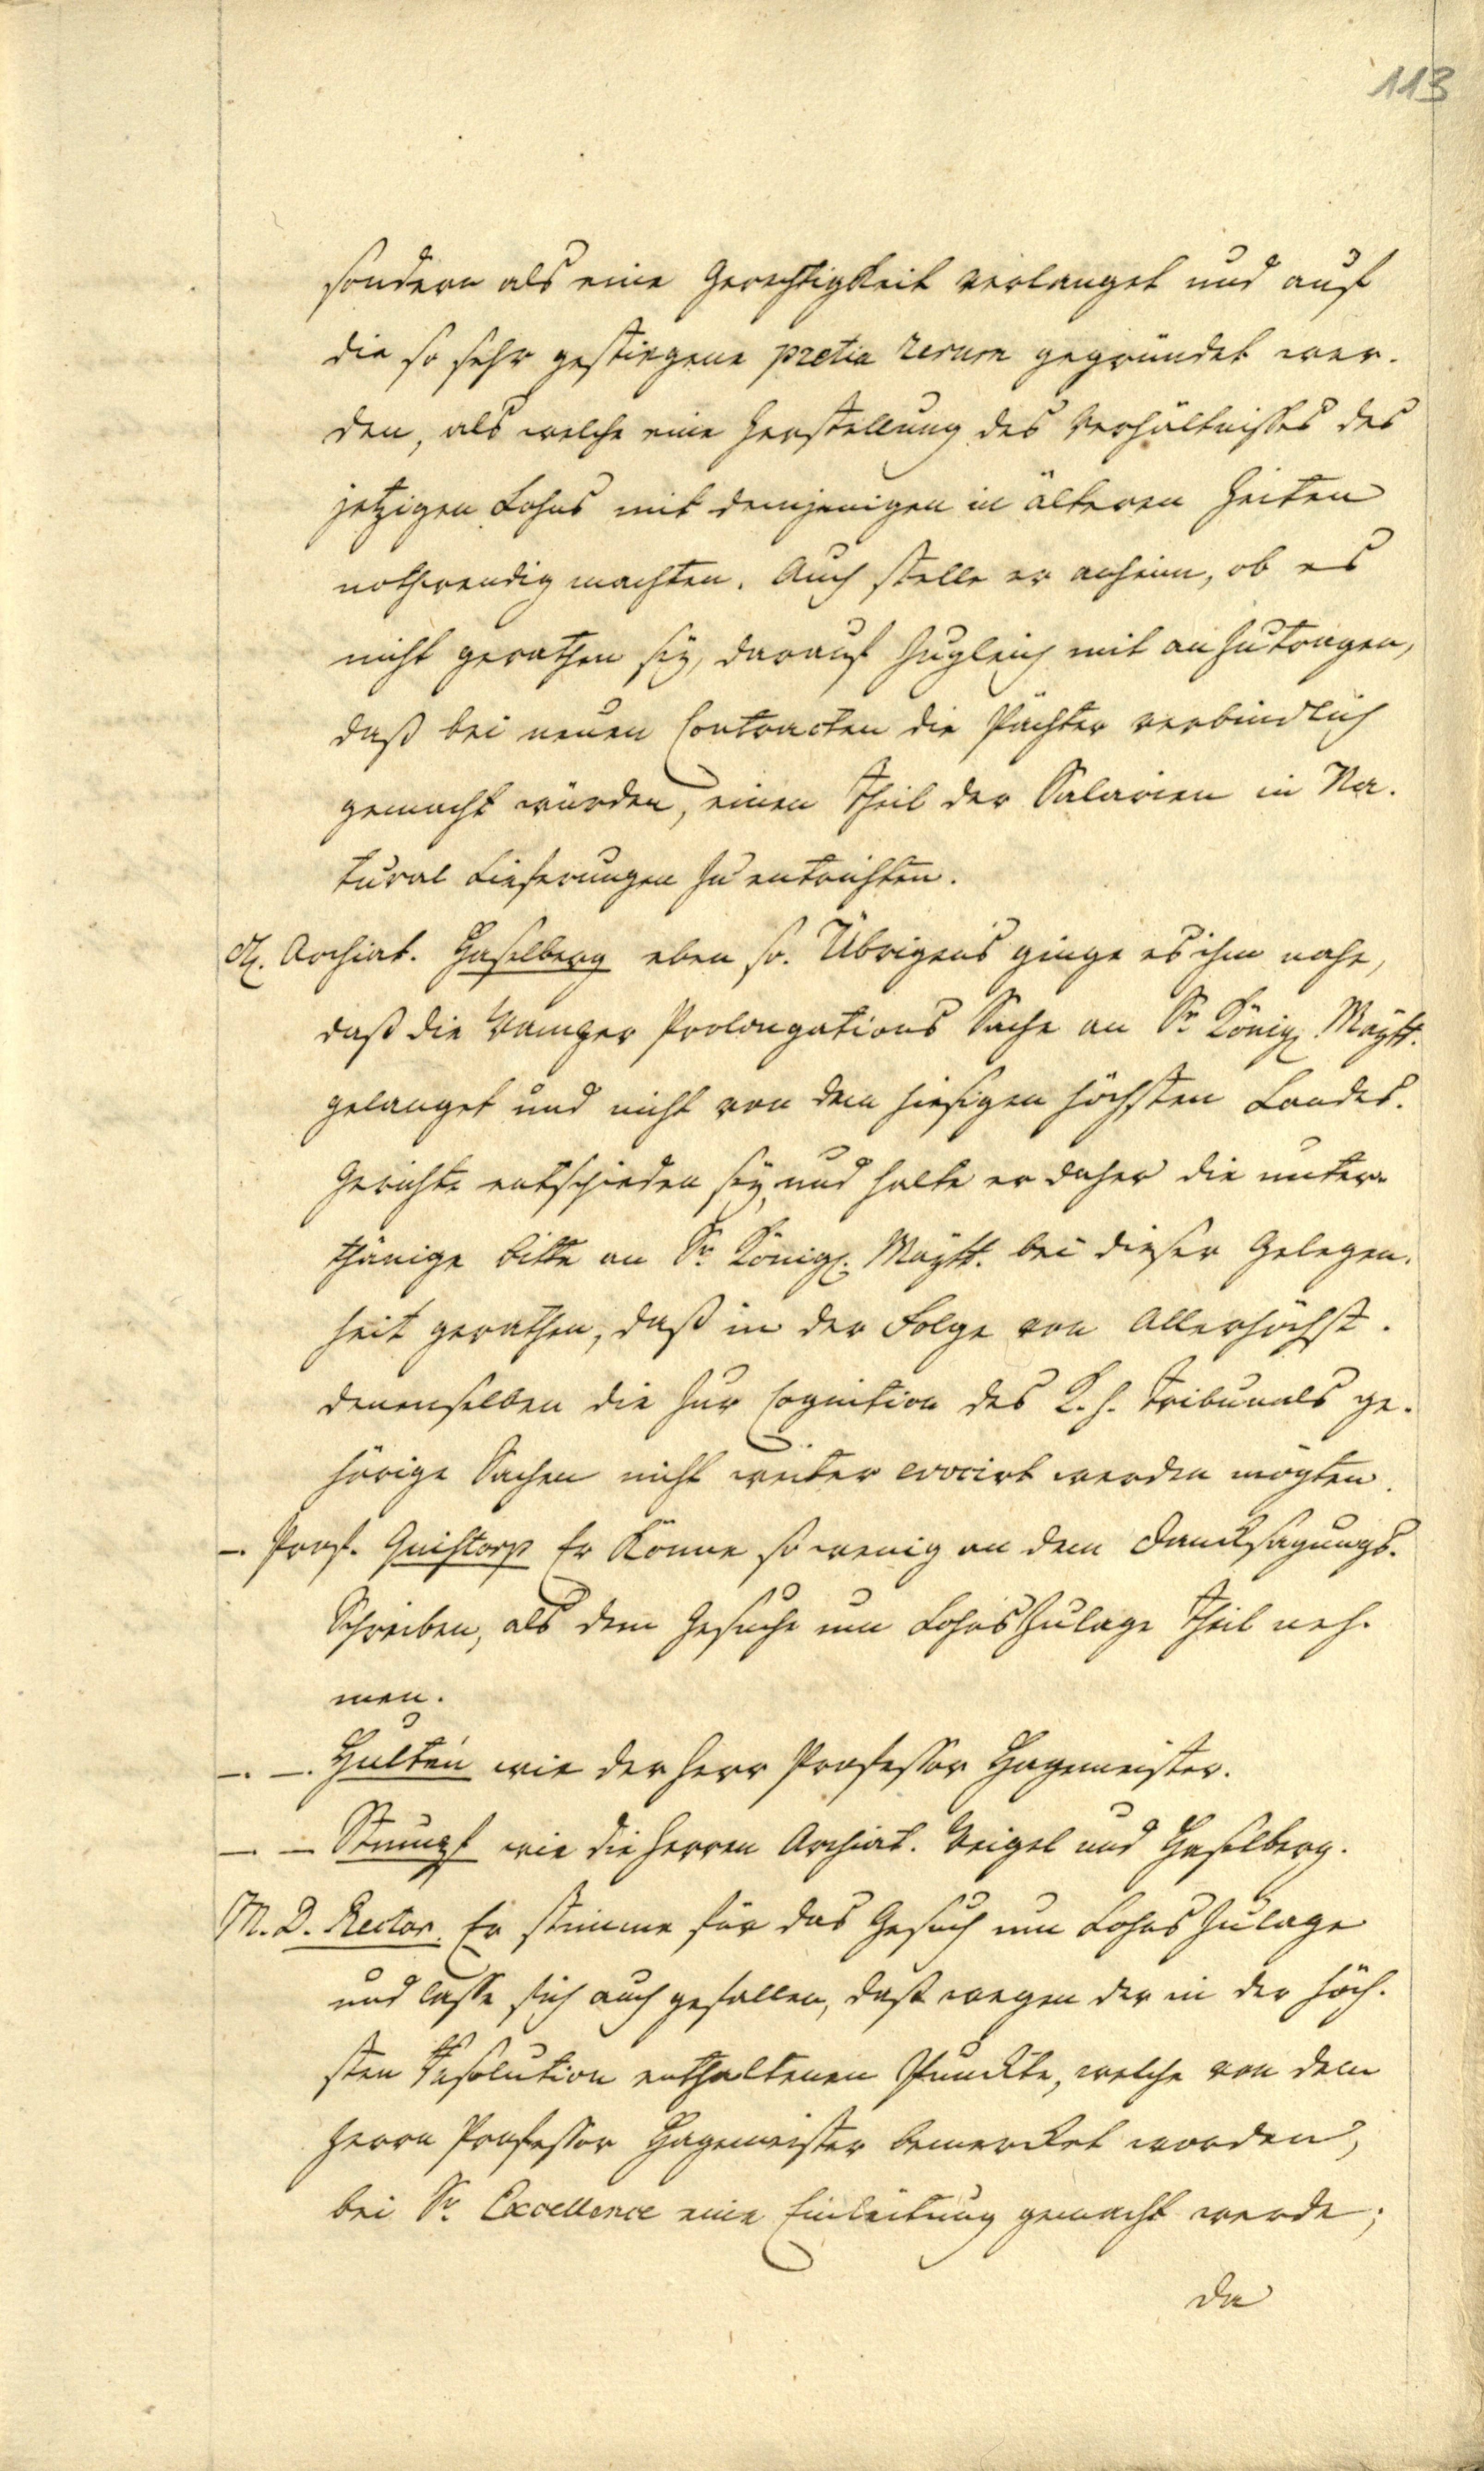sondern als eine Gerechtigkeit verlanget und auf
die so sehr gestiegene pretia rerum gegründet wer¬
den, als welche eine Herstellung des Verhältnisses des
jetzigen Lohns mit demjenigen in älteren Zeiten
nothwendig machten. Auch stelle er anheim, ob es
nicht gerathen seÿ, darauf zugleich mit anzutragen,
daß bei neuen Contracten die Pächter verbindlich
gemacht würden, einen Theil der Salarien in Na¬
tural Lieferungen zu entrichten.
dh. Archiat. Haselberg eben so. Übrigens ginge es ihm nahe,
daß die Wamper Prolongations Sache an Sr Königl. Maÿtt.
gelanget und nicht von dem hiesigen höchsten Landes¬
Gericht entschieden seÿ, und halte er daher die unter¬
thänige Bitte an Sr Königl. Maÿtt. bei dieser Gelegen¬
heit gerathen, daß in der Folge von Allerhöchst¬
demselben die zur Cognition des K. H. Tribunals ge¬
hörige Sachen nicht weiter evocirt werden mögten.
Prof. Quistorp Er könne so wenig an dem Dancksagungs
Schreiben, als dem Gesuche um LohnsZulage Theil neh¬
men.
Hultén wie der Herr Professor Hagemeister.
Stumpf wie die Herren Archiat. Weigel und Haselberg.
M. D. Rector. Er stimme für das Gesuch um Lohns Zulage
und lasse sich auch gefallen, daß wegen der in der höch¬
sten Resolution enthaltenen Punckte, welche von dem
Herrn Professor Hagemeister bemercket worden,
bei Sr Excellence eine Einleitung gemacht werde;
da